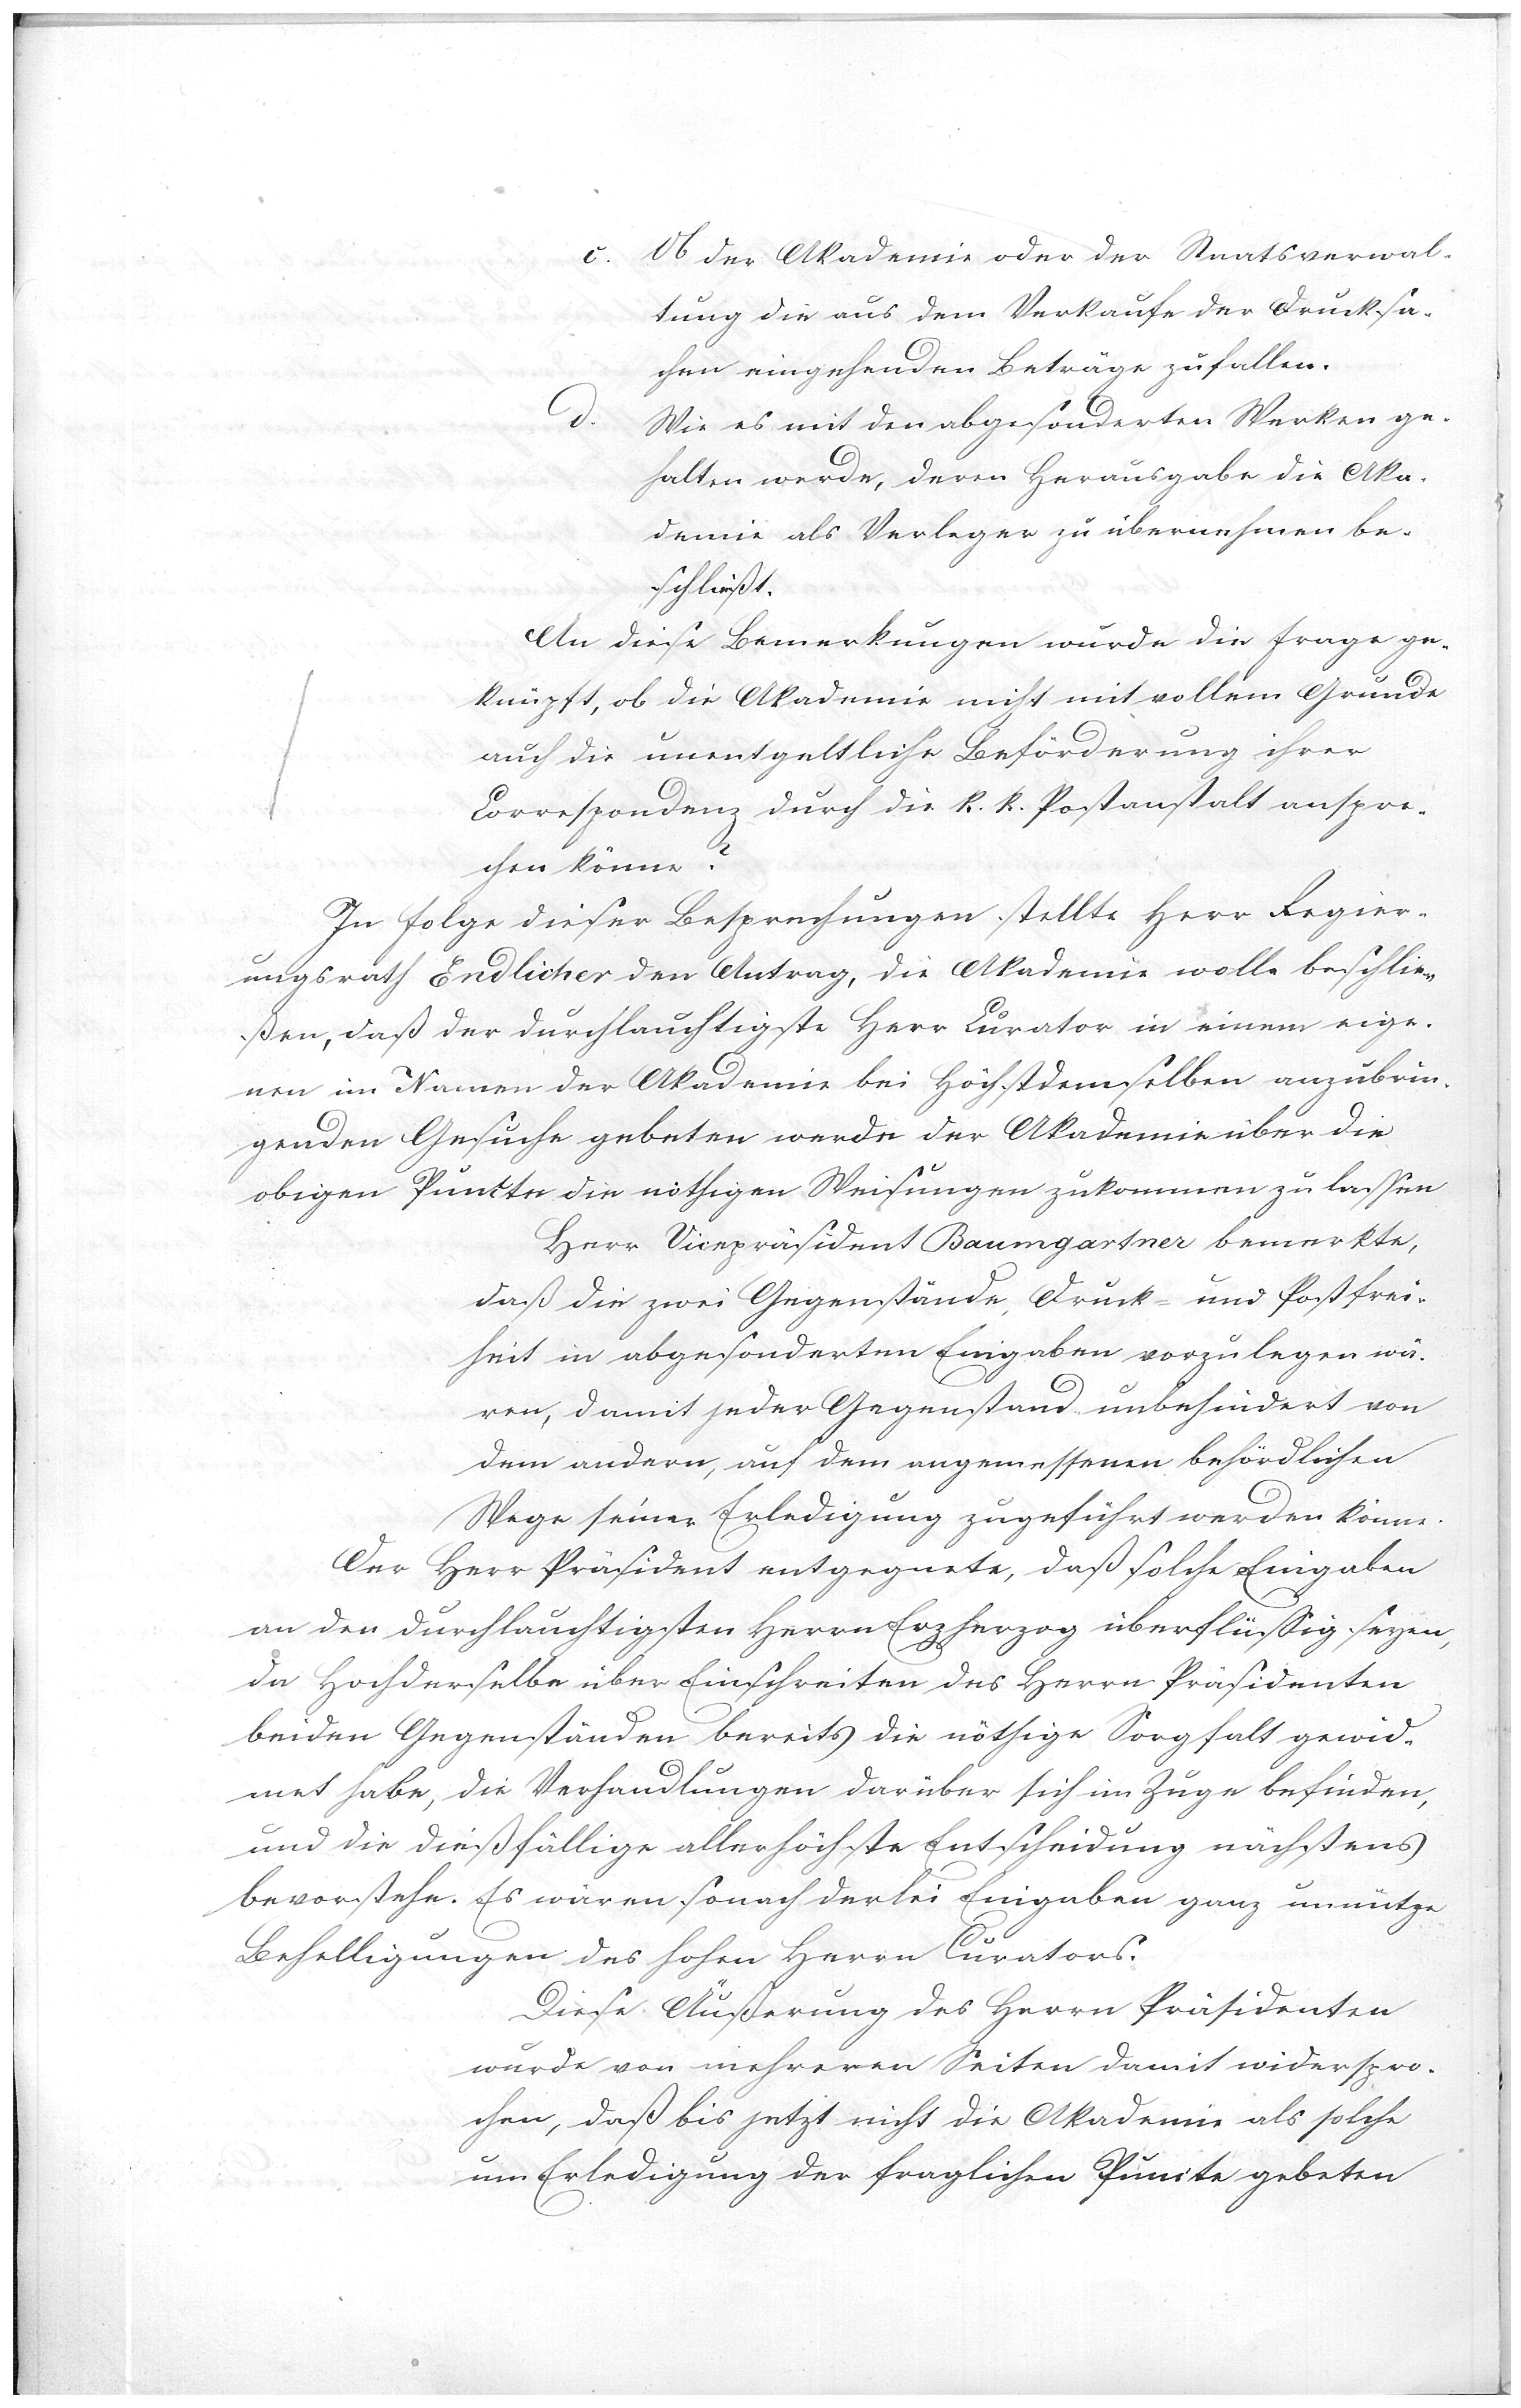c. Ob der Akademie oder der Staatsverwal-
tund die aus dem Verkaufe der Drucksa-
chen eingehenden Beträge zufallen.
d. Wie es mit den abgesonderten Werken ge-
halten werde, deren Herausgabe die Aka-
demie als Verleger zu übernehmen be-
schließt.
An diese Bemerkungen wurde die Frage ge-
knüpft, ob die Akademie nicht mit vollem Grunde
auch die unentgeltliche Beförderung ihrer
Correspondenz durch die k.k. Postanstalt anspre-
chen könne?
In Folge dieser Besprechungen stellte Herr Regier-
undgsrath Endlicher den Antrag, die Akademie wolle eschlie-
ßen, daß der durchlauchtigste Herr Curator in einem eige-
nen im Namen der Akademie bei Höchstdemselben anzubrin-
genden Gesuche gebeten werde der Akademie über die
obigen Puncte die nöthigen Weisungen zukommen zu lassen.
Herr Vicepräsident Baumgartner bemerkte,
daß die zwei Gegenstaände, Druck- und Postfrei-
heit in abgesonderten Eingaben vorzulegen wä-
ren, damit jeder Gegenstand unbehindert von
dem andern, auf dem angemessenen behördlichen
Wege seiner Erledigung zugeführt werden könne.
Der Herr Präsident entgegenete, daß solche Eingaben
an den durchlauchtigsten Herrn Erzherzog überflüssig seyen,
da Hochderselbe über Einschreiten des Herrn Präsidenten
beiden Gegenständen bereits die nöthige Sorgfalt gewid-
met habe, die Verhandlungen darüber sich im zuge befinden,
und die dießfällige allerhöchste Entscheidung nächstens
bevorstehe. Es wären sonach derlei Eingaben ganz unnütze
Behelligungen des hohen Herrn Curators.
Deise Äußerung des Herrn Präsidenten
wurde von mehreren Seiten damit widerspro-
chen, daß bis jetzt nicht die Akademie als solche
um Erledigung der fraglichen Puncte gebeten